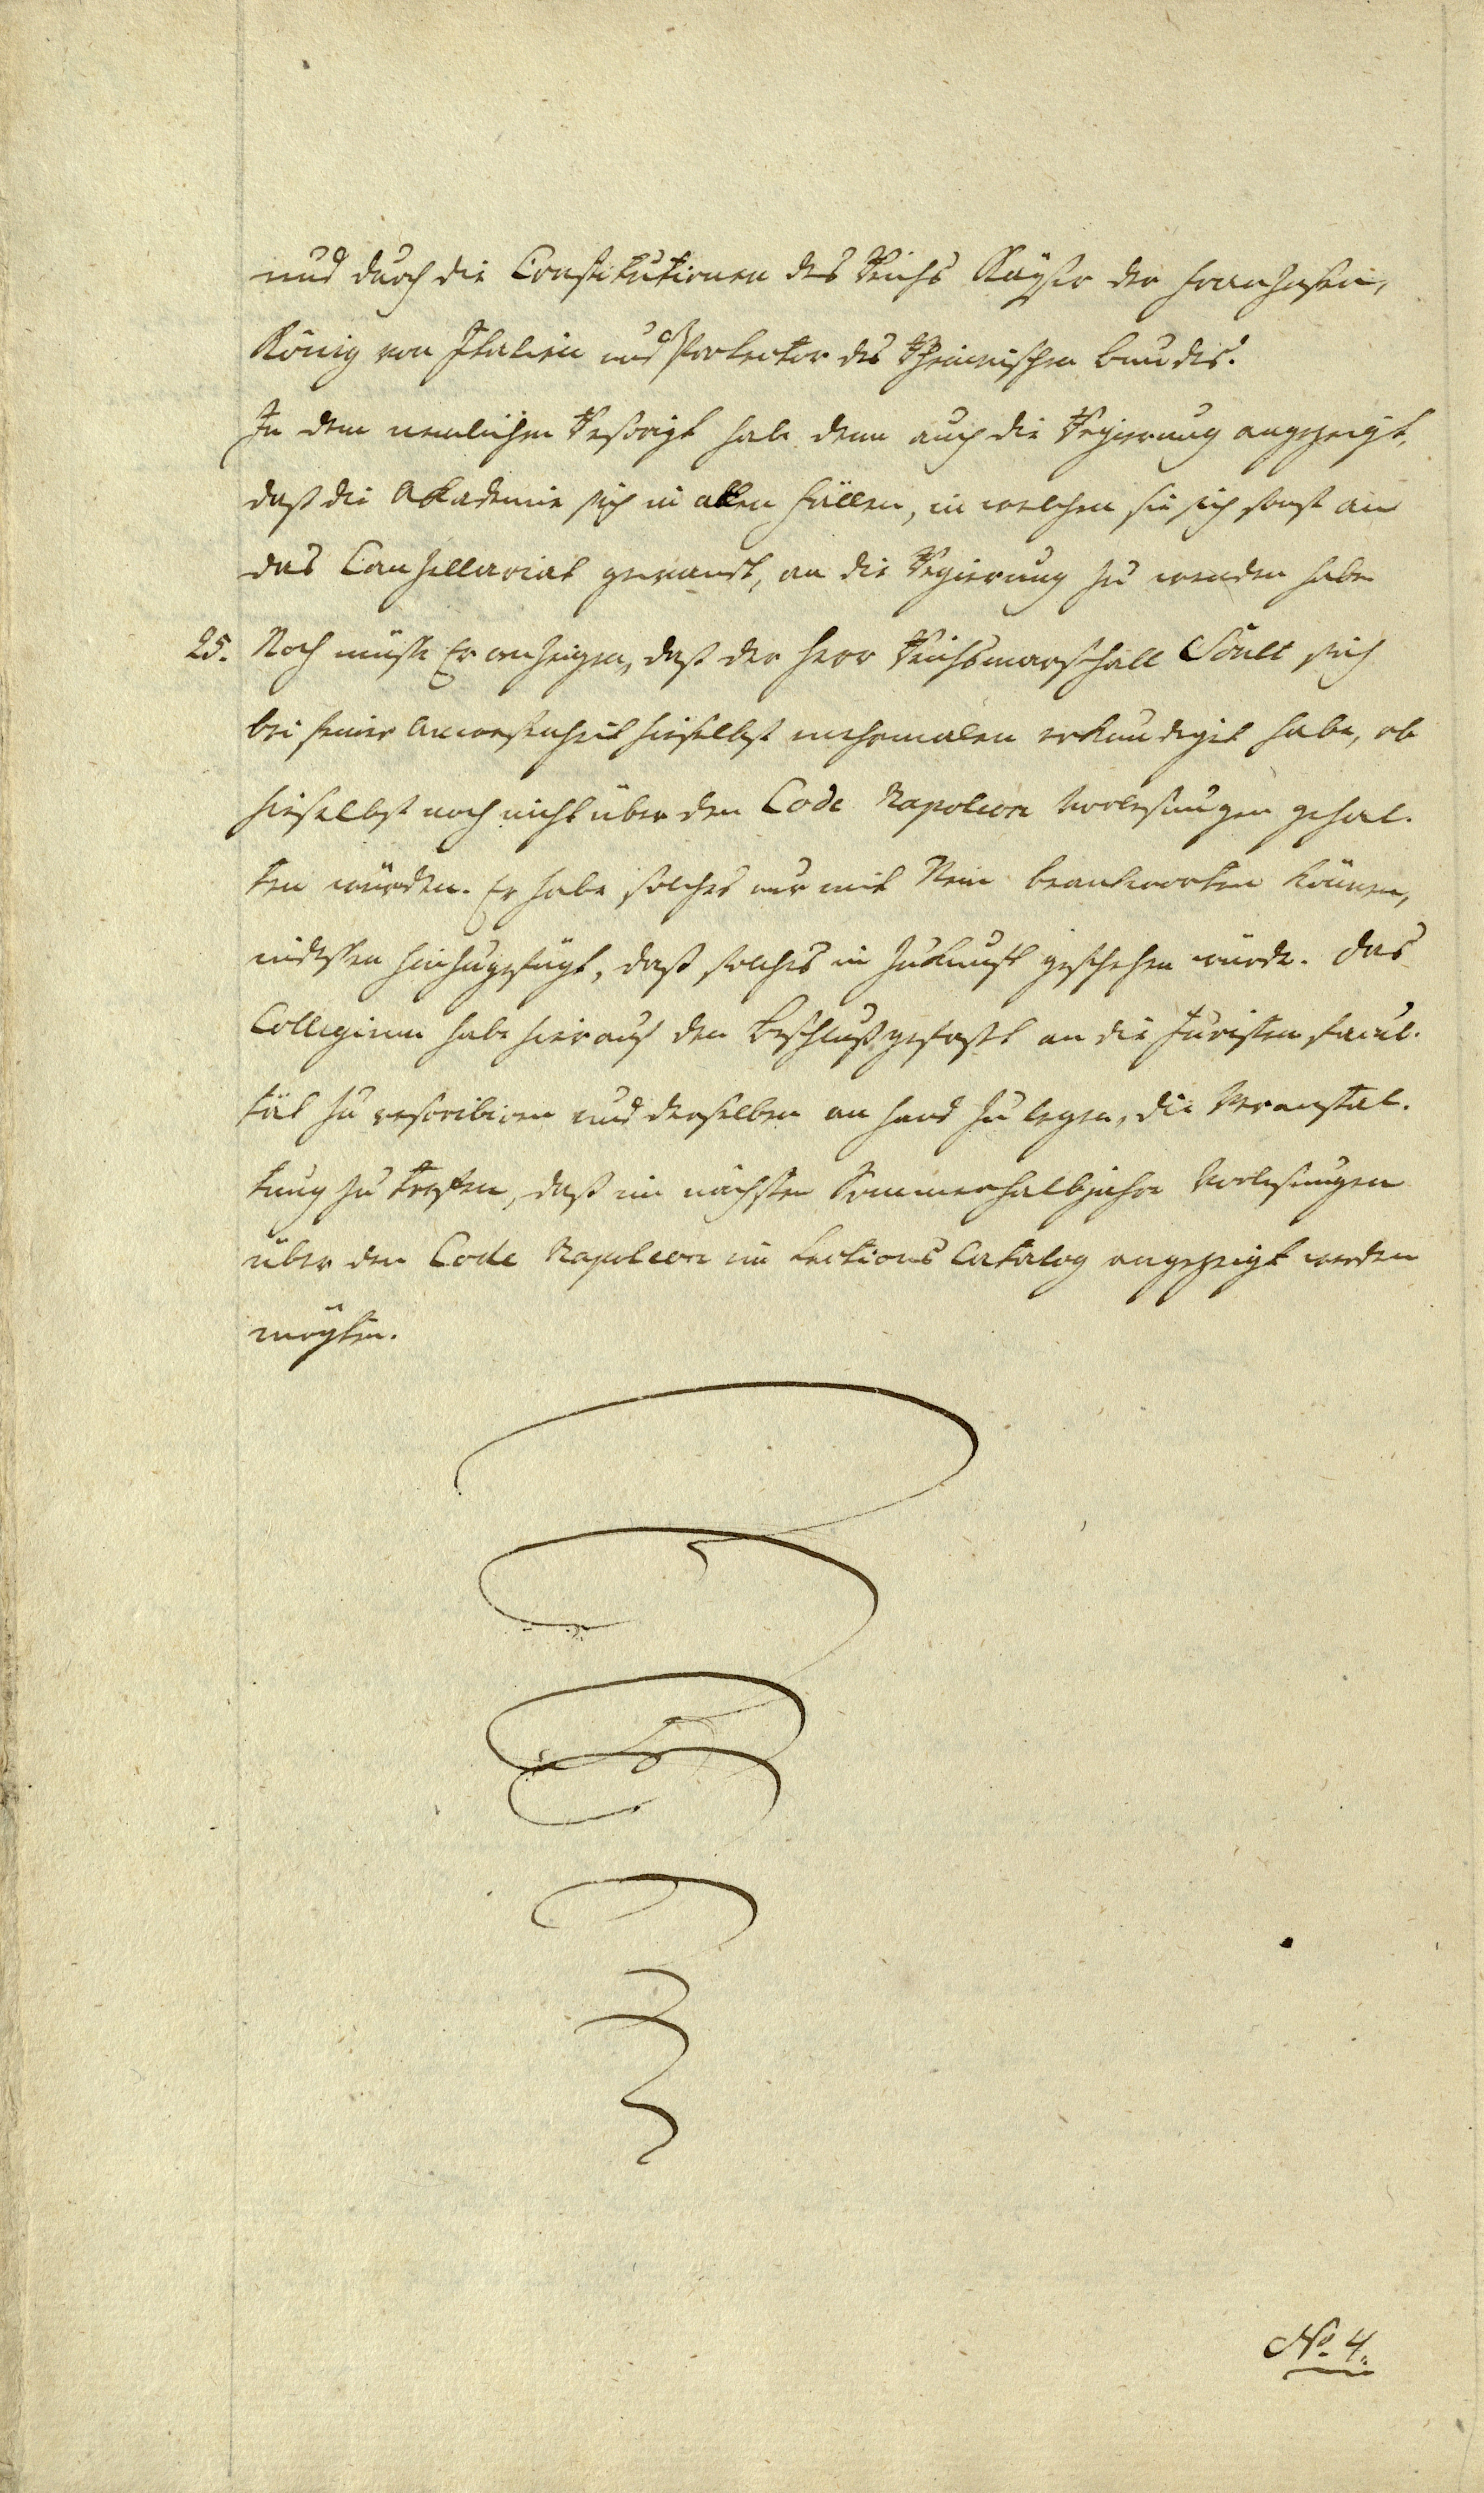und durch die Constitutionen des Reichs Kaÿser der Franzosen,
König von Italien und Protector des Rheinischen Bundes.
In dem nemlichen Rescript habe denn auch die Regierung angezeigt,
daß die Akademie sich in allen Fällen, in welchen sie sich sonst an
das Canzellariat gewandt, an die Regierung zu wenden habe.
25. Noch müsse Er anzeigen, daß der Herr Reichsmarschall Soult sich
bei seiner Anwesenheit hieselbst mehrmalen erkundiget habe, ob
hieselbst noch nicht über den Code Napoleon Vorlesungen gehal¬
ten würden. Er habe solches nur mit Nein beantworten können,
indessen hinzugefügt, daß solches in Zukunft geschehen würde. Das
Collegium habe hierauf den Beschluß gefaßt an die Juristenfacul¬
tät zu rescribiren und derselben an Hand zu legen, die Veranstal¬
tung zu trefen, daß im nächsten Sommerhalbjahr Vorlesungen
über den Code Napoleon im Lections Catalog angezeigt werden
mögten.
No 4.